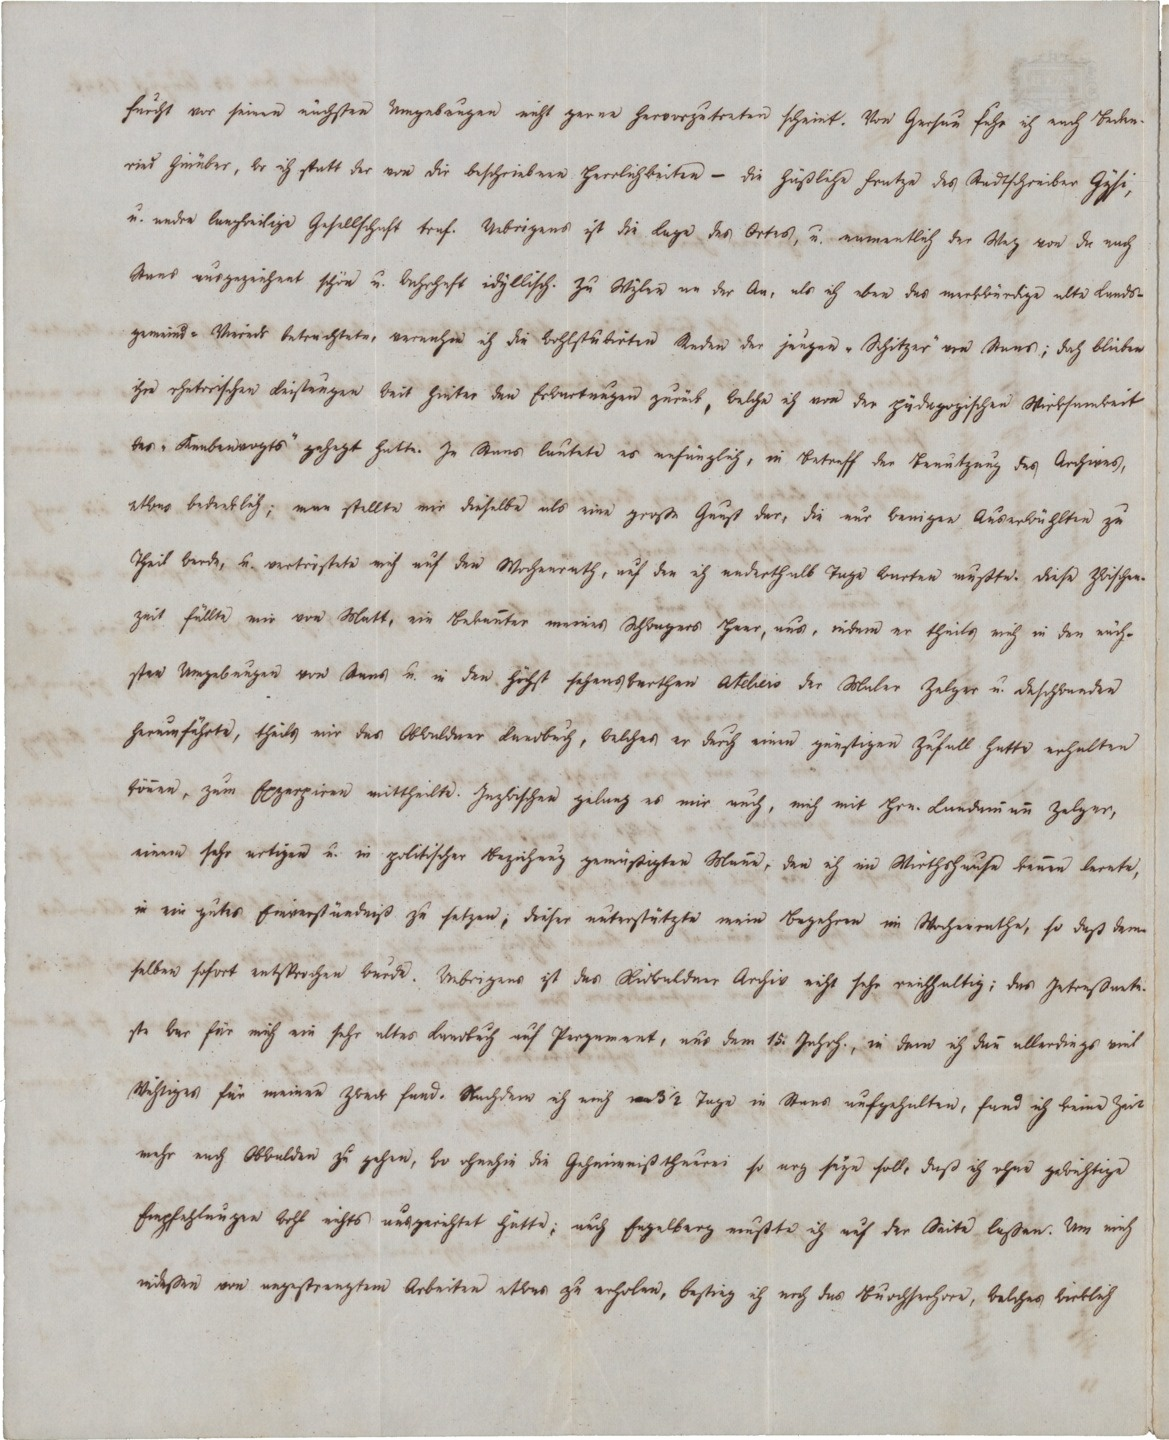Furcht vor seinen nächsten Umgebungen nicht gerne hervorzutreten scheint. Von Gersau fuhr ich nach Becken-
ried hinüber, wo ich statt der dir beschriebnen Herrlichkeiten – die häßliche Fratze des Stadtschreiber Gysi,
u. andre langweilige Gesellschaft traf. Uebrigens ist die Lage des Ortes, u. namentlich der Weg von da nach
Stans ausgezeichnet schön u. wahrhaft idyllisch. Zu Wylen an der Aa, als ich eben das merkwürdige alte Lands-
gemeind-Viereck betrachtete, vernahm ich die wohlstudirten Reden der jungen «Schitzer» von Stans; doch blieben
ihre rhetorischen Leistungen weit hinter den Erwartungen zurück, welche ich von der pädagogischen Wirksamkeit
des «Knabenvogts» gehegt hatte. In Stans lautete es anfänglich, in Betreff der Benutzung des Archives,
etwas bedenklich; man stellte mir dieselbe als eine große Gunst dar, die nur wenigen Auserwählten zu
Theil werde, u. vertröstete mich auf den Wochenrath, auf den ich anderthalb Tage warten mußte. Diese Zwischen-
zeit füllte mir von Matt, ein bekannter meines Schwagers Heer, aus, indem er theils mich in den näch-
sten Umgebunge von Stans u. in den höchst sehenswerthen Ateliers der Maler Zelger u. Deschwanden
herumführte, theils mir das Obwaldner Landbuch, welches er durch einen günstigen Zufall hatte erhalten
können, zum Exzerpiren mittheilte. Inzwischen gelang es mir auch, mich mit Hrn. Landammann Zelger,
einem sehr artigen u. in politischer Beziehung gemäßigten Manne, den ich im Wirthshause kennen lernte,
in ein gutes Einverständniß zu setzen, dieser unterstützte mein Begehren im Wochenrathe, so daß dem-
selben sofort entsprochen wurde. Uebrigens ist das Nidwaldner Archiv nicht sehr reichhaltig; das Intressante-
ste war für mich ein sehr altes Landbuch auf Pergament, aus dem 15. Jahrh., in dem ich dann allerdings viel
Wichtiges für meinen Zweck fand. Nachdem ich mich 3 ½ Tage in Stans aufgehalten, fand ich keine Zeit
mehr nach Obwalden zu gehen, wo ohnehin die Geheimnißthuerei so arg seyn soll, daß ich ohne gewichtige
Empfehlungen wohl nichts ausgerichtet hätte; auch Engelberg mußte ich auf der Seite lassen. Um mich
indessen von angestrengtem Arbeiten etwas zu erholen, bestieg ich noch das Buochserhorn, welches wirklich